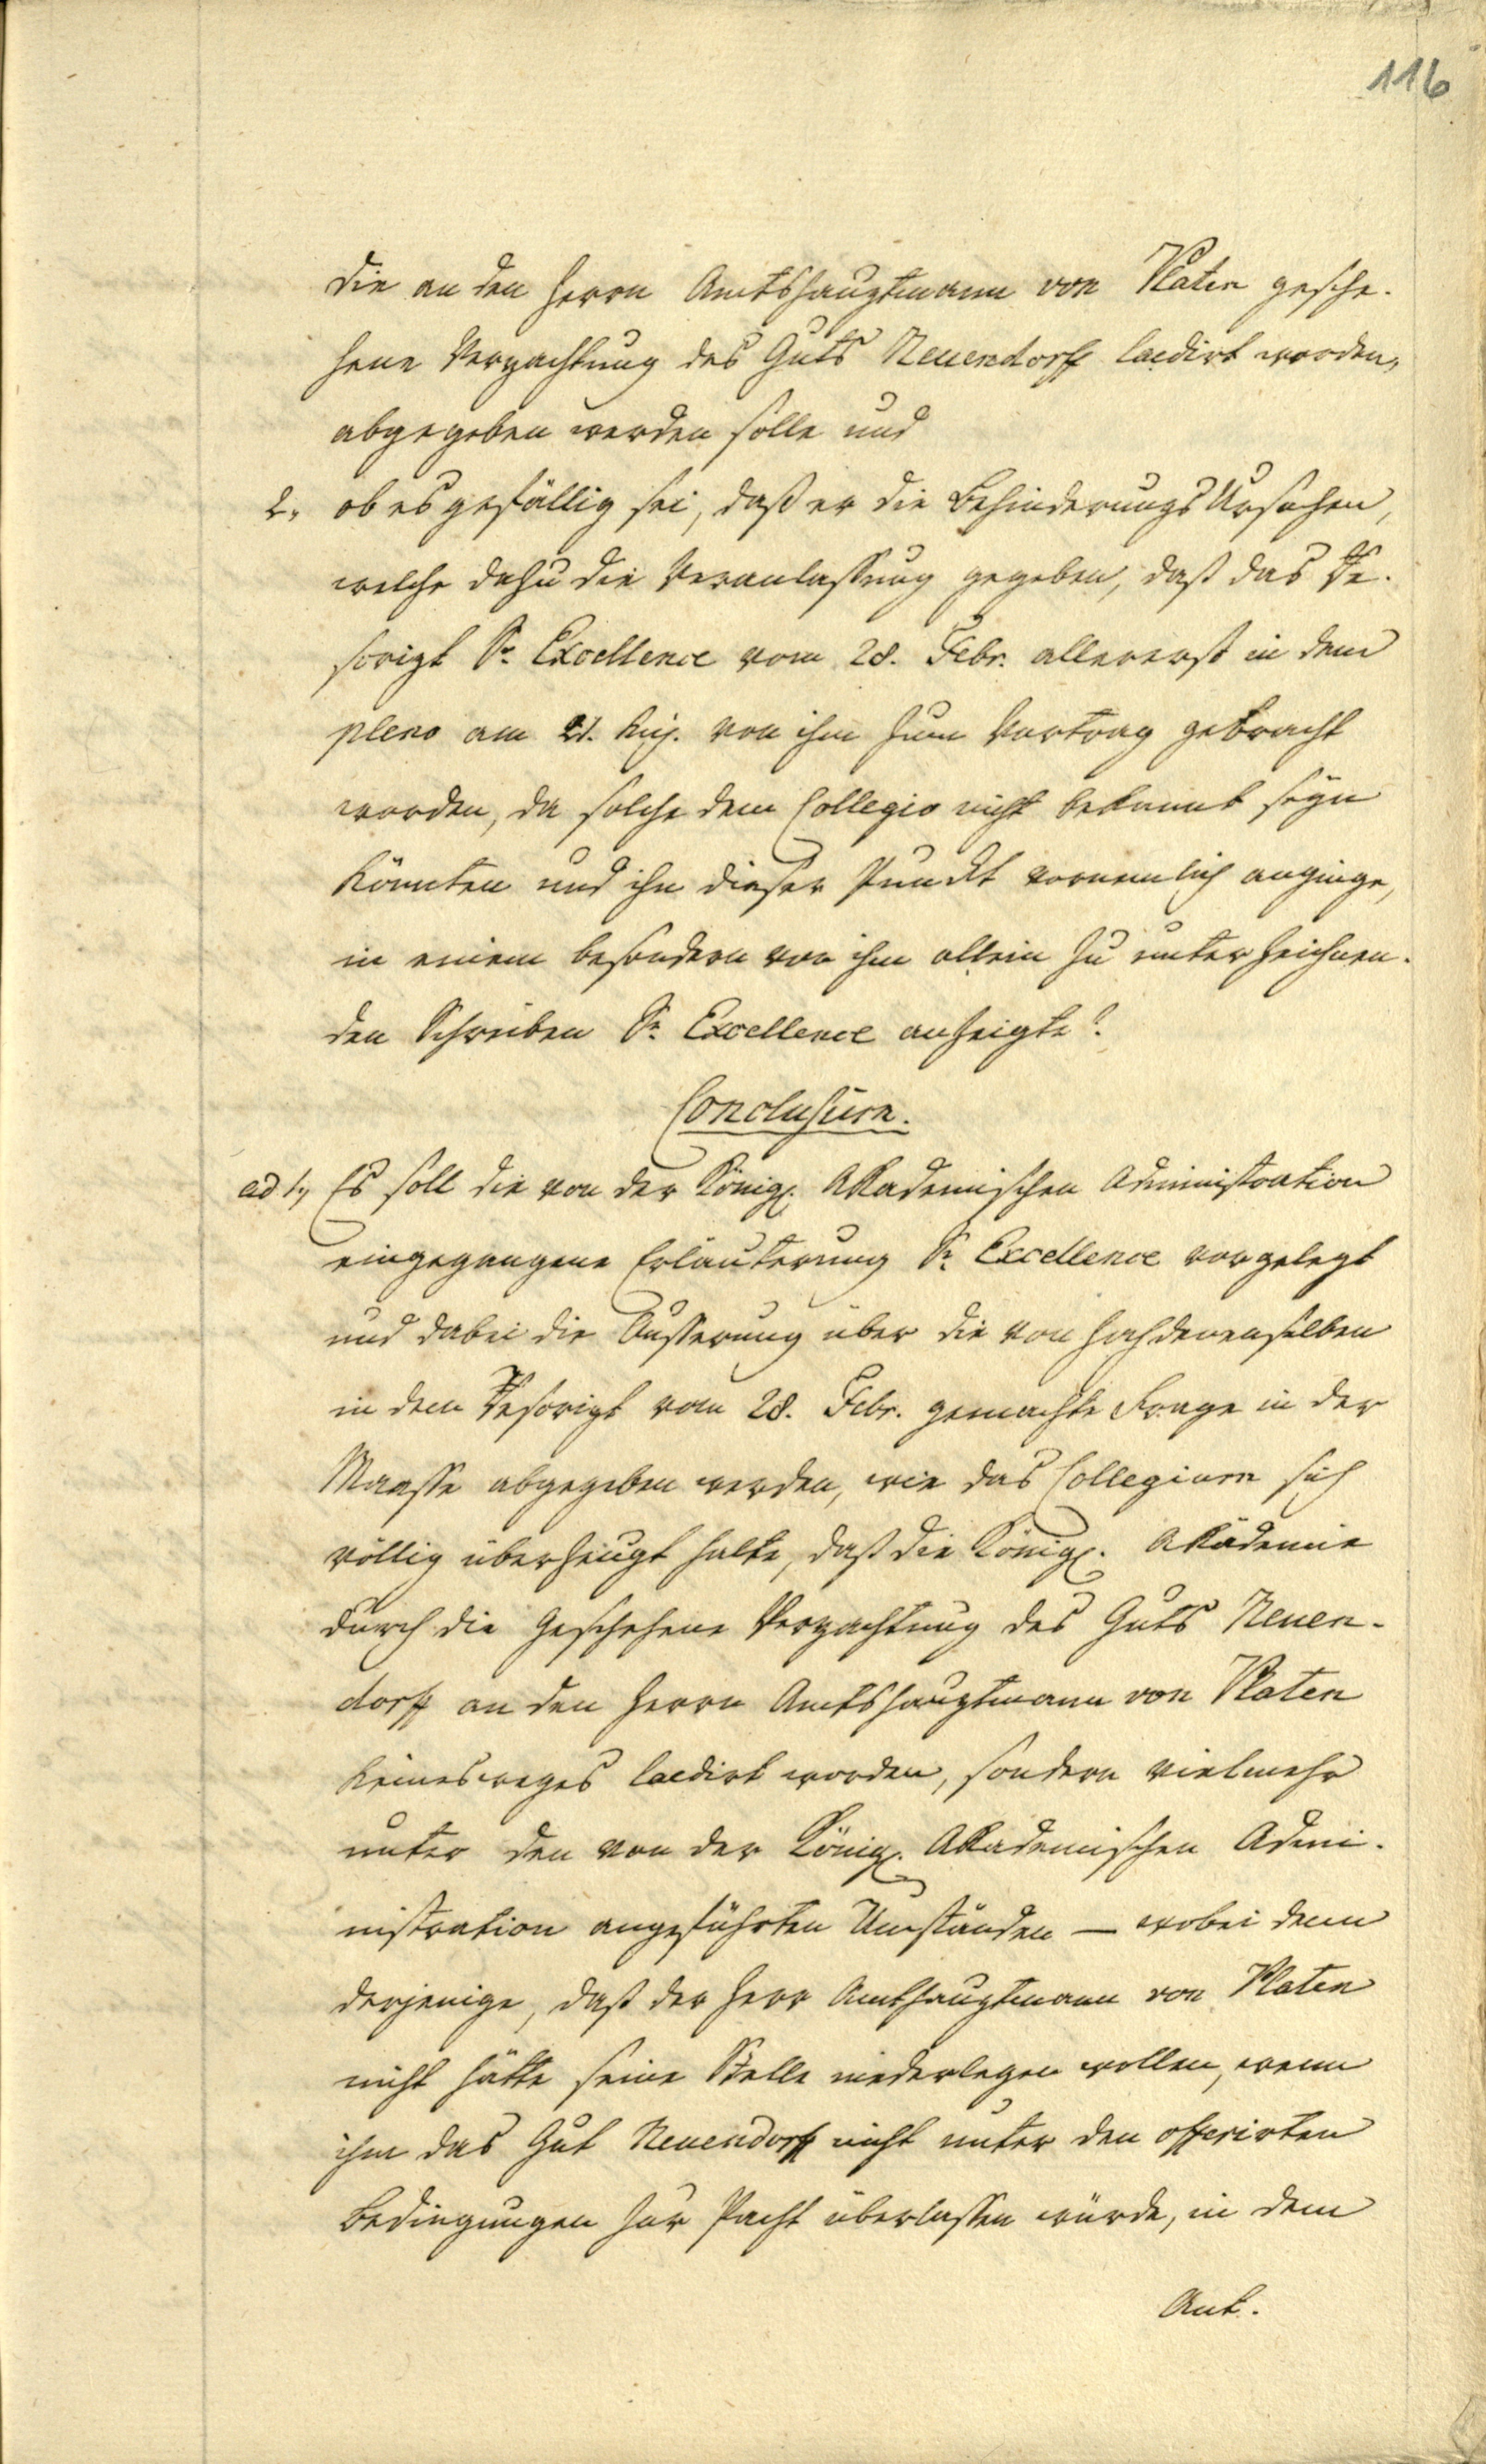die an den Herrn Amtshauptmann von Platen gesche¬
hene Verpachtung des Guts Neuendorff laedirt worden,
abgegeben werden solle und
2., ob es gefällig sei, daß er die Behinderungs Ursachen,
welche dazu die Veranlassung gegeben, daß das Re¬
script Sr Excellence vom 28. Febr. allererst in dem
pleno am 21. huj. von ihm zum Vortrag gebracht
werden, da solche dem Collegio nicht bekannt seÿn
könnten und ihm dieser Punckt vornemlich anginge,
in einem besondern von ihm allein zu unterzeichnen¬
den Schreiben Sr. Excellence anzeigte?
Conclusum.
ad 1., Es soll die von der Königl. Akademischen Administration
eingegangene Erläuterung Sr Excellence vorgelegt
und dabei die Äusserung über die von Hochdenenselben
in dem Rescript vom 20. Febr. gemachte Frage in der
Maasse abgegeben werden, wie das Collegium sich
völlig überzeugt halte, daß die Königl. Akademie
durch die geschehene Verpachtung des Guts Neuen¬
dorff an den Herrn Amtshauptmann von Platen
keinesweges laedirt worden, sondern vielmehr
unter den von der Königl. Akademischen Admi¬
nistration angeführten Umständen - wobei denn
derjenige, daß der Herr Amthauptmann von Platen
nicht hätte seine Stelle niederlegen wollen, wenn
ihm das gut Neuendorff nicht unter den offerirten
Bedingungen zur Pacht überlassen würde, in dem
Ant